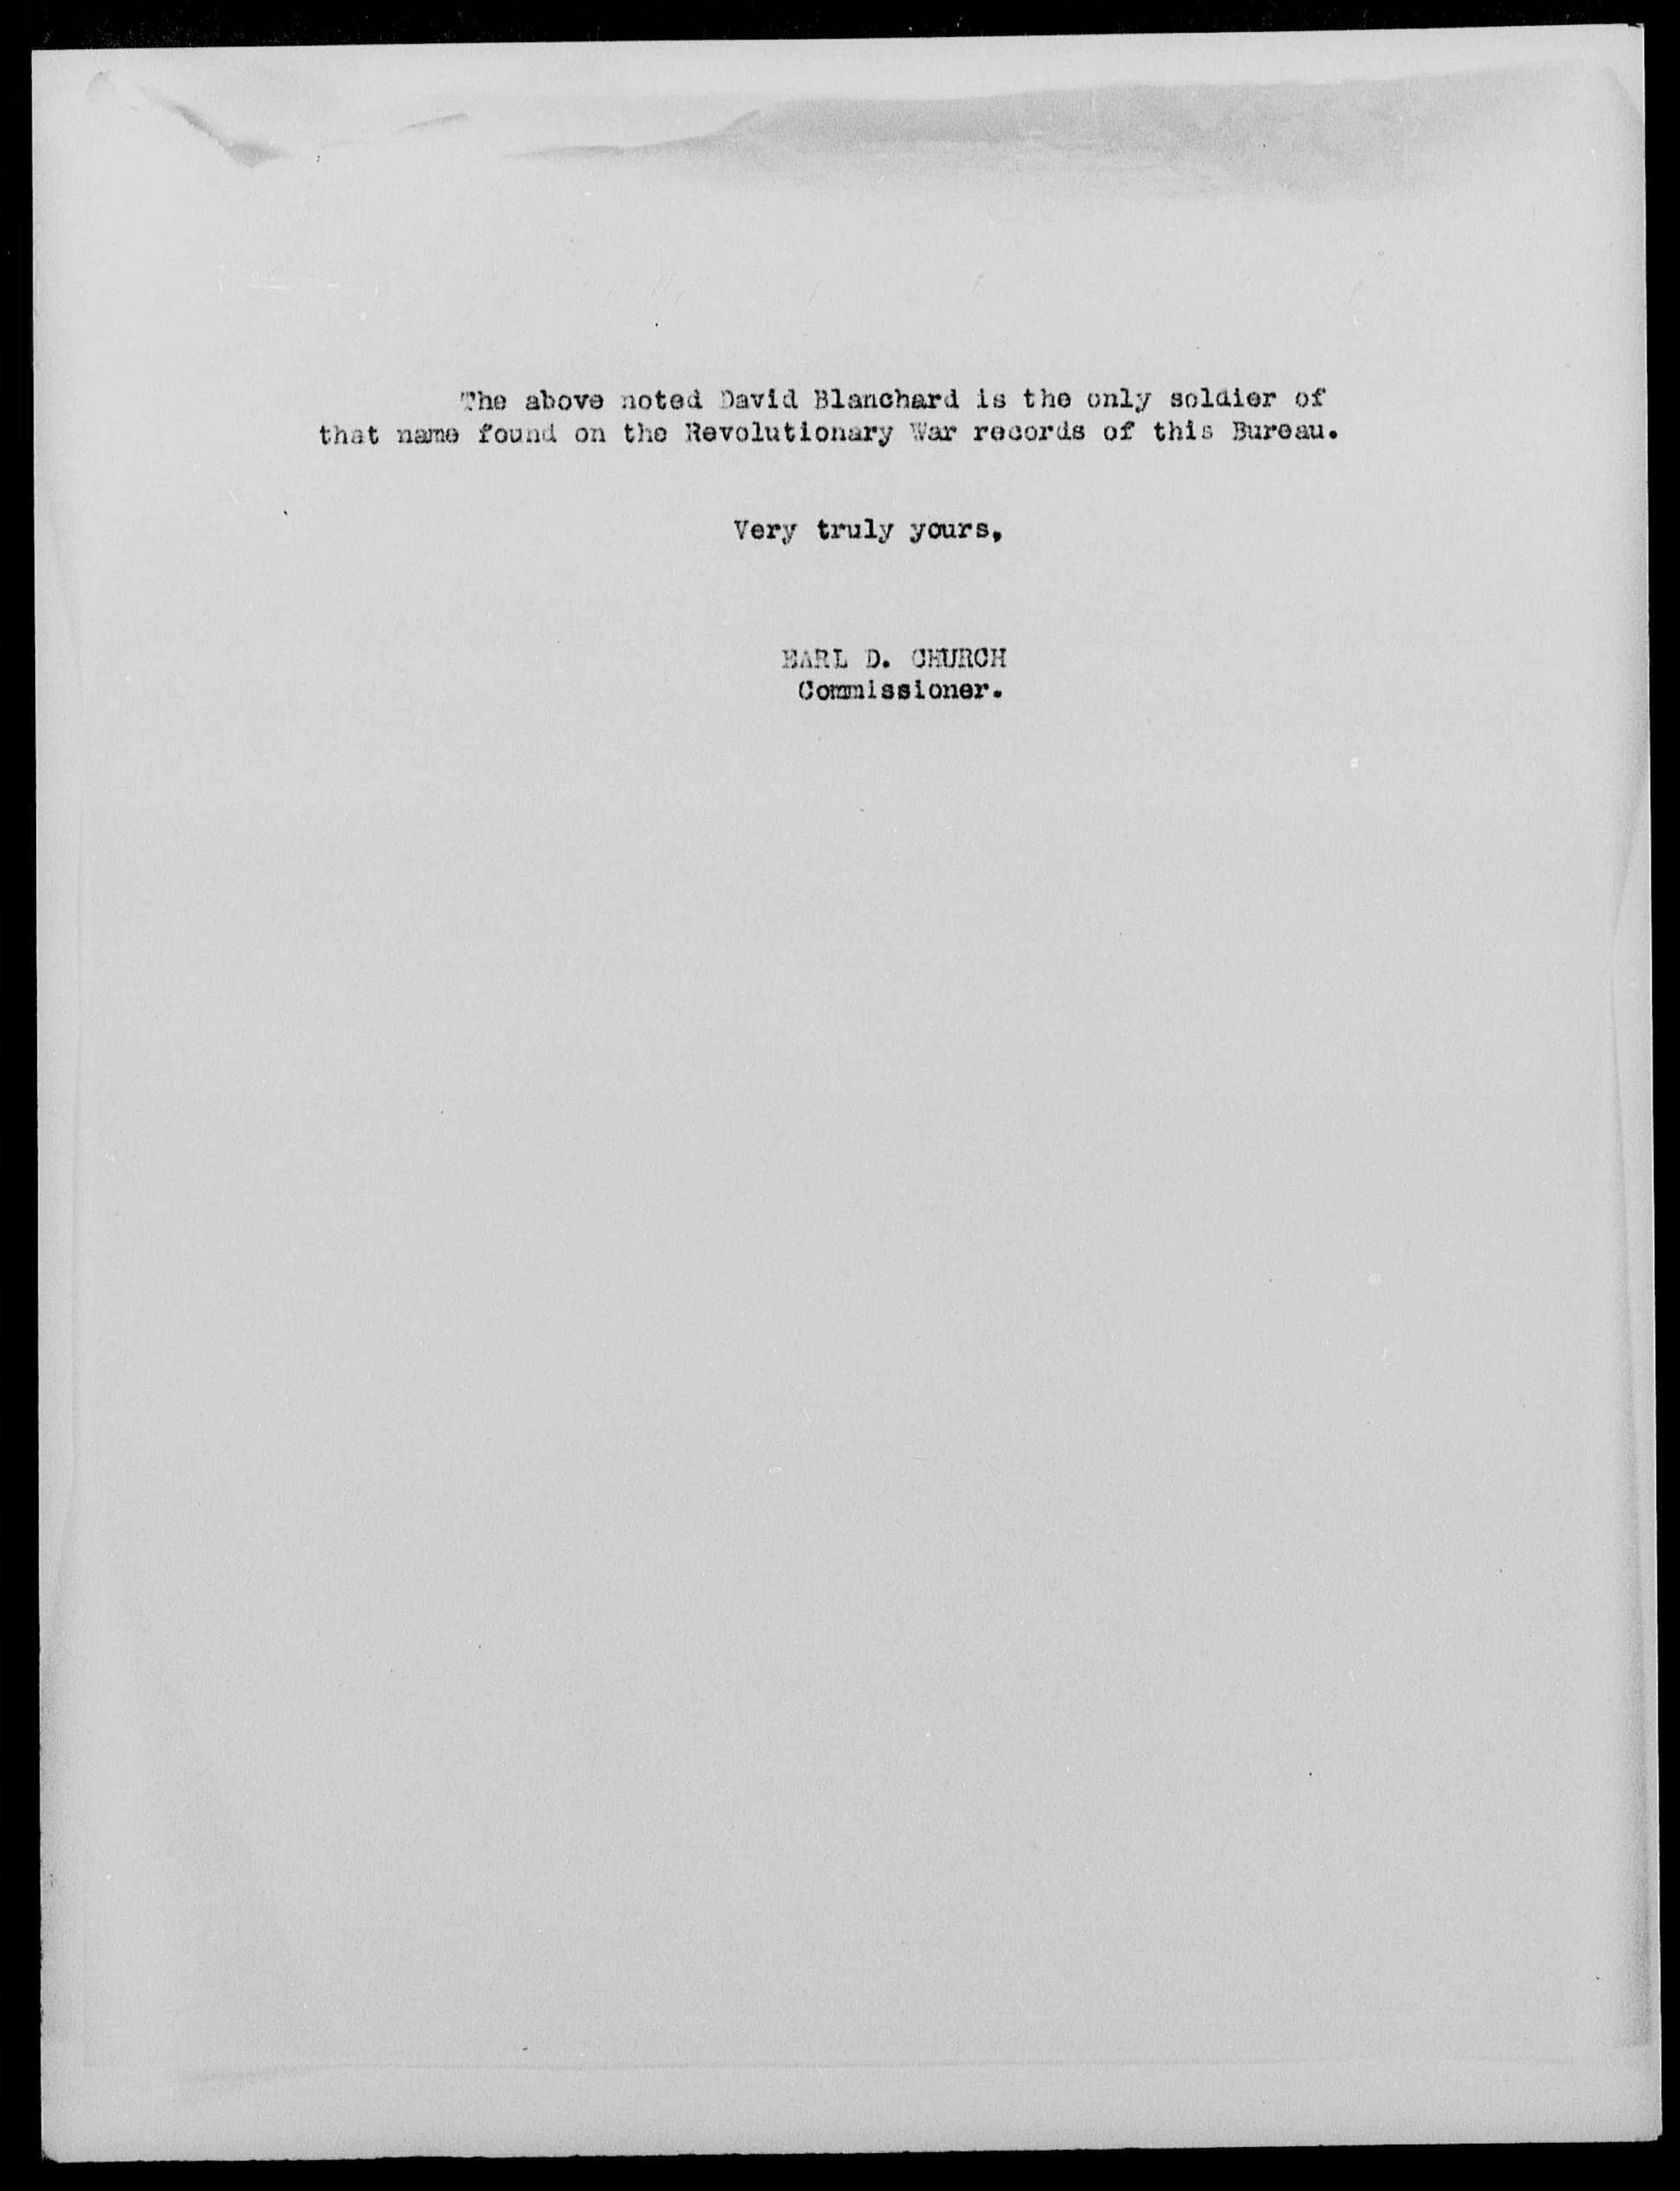The above noted David Blanchard is the only soldier of that name found on the Revolutionary War records of this Bureau.
Very truly yours,
Earl D. Church
Commissioner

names: Earl D Church, David Blanchard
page: 23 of 23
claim: survivor's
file: S. 12237, David Blanchard, N. H.